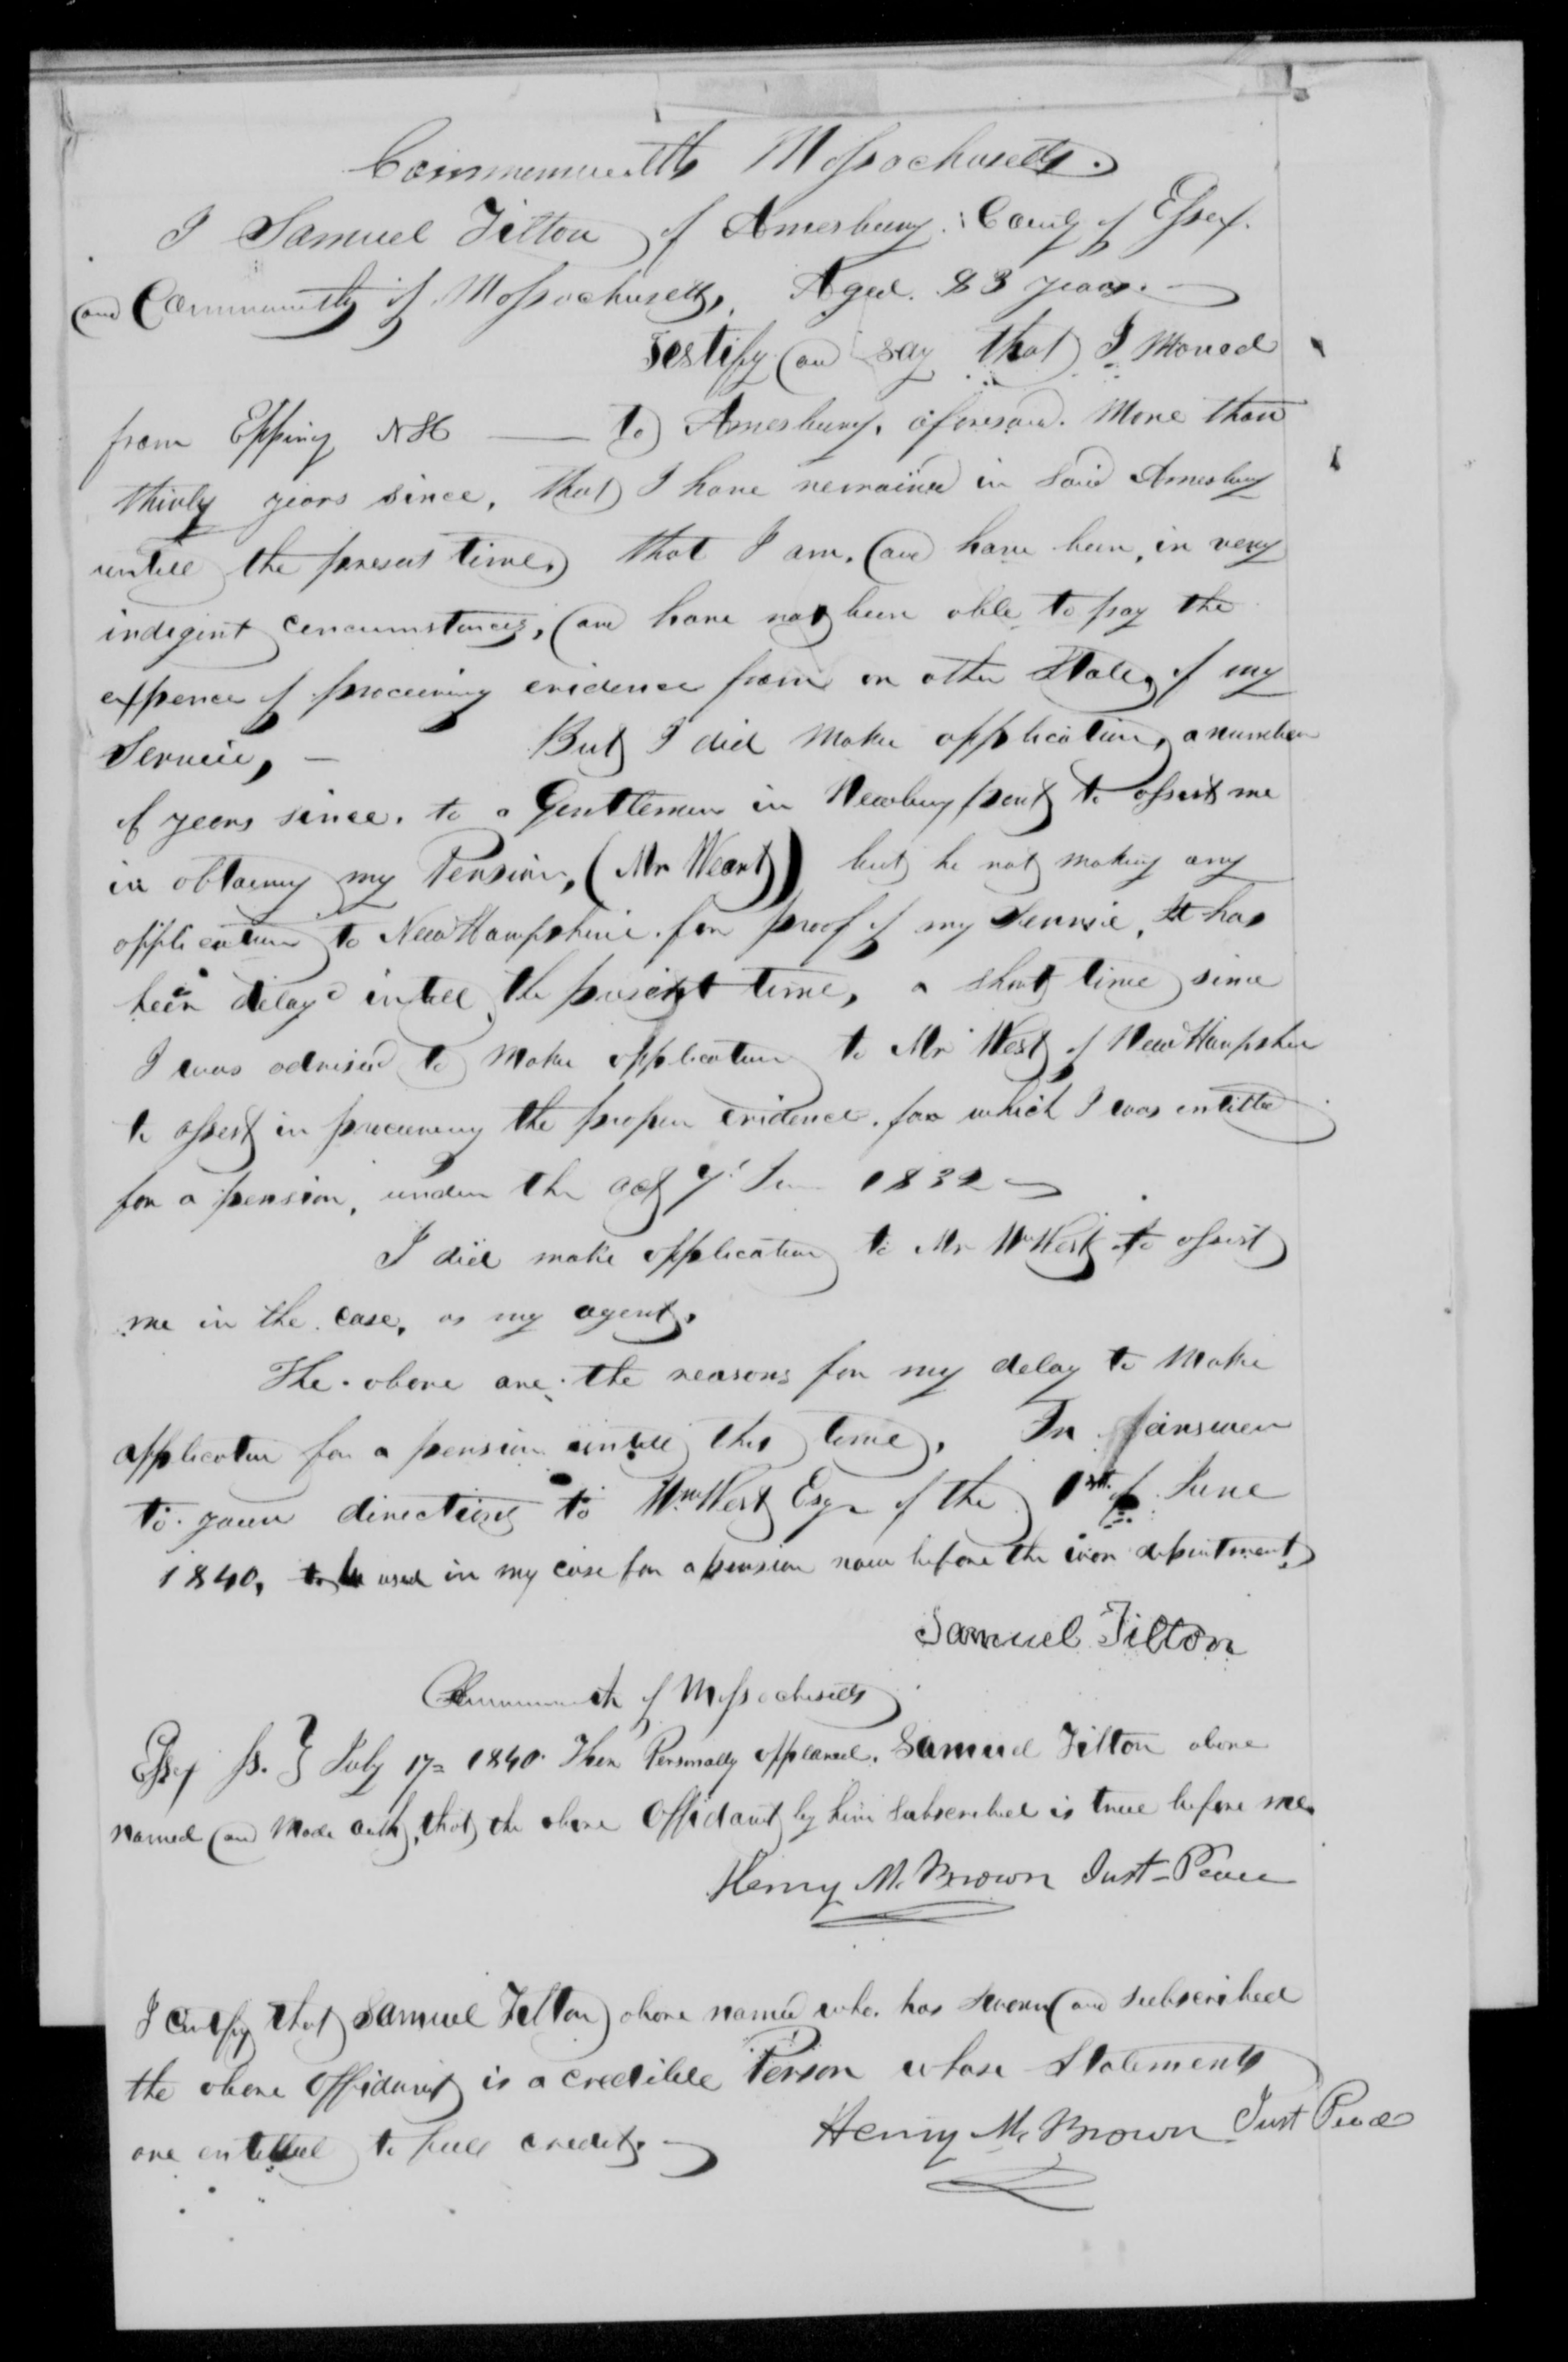Commonwealth  Massachusetts
I Samuel Tilton of Amesbury County of Essex Community of Massachusetts, Aged 83 years.
Testify and say that I moved from Epping NH to Amesbury aforesaid. More than thirty years since, that I have  remained in said Amesbury untill the present time that I am and have been in very indigent circumstances, and have not been able to pay the expence of procuring evidence from on other State of my Service
But I did make application, a number of years since, to a Gentleman in Newburyport to assist me in obtaining my Pension, (Mr Weast) but he not making any application to New Hampshire for proof of my Servise, It has been delayed untill the present time, a short time since I was advised to make application to Mr West of New Hampshire to assist
in procuring the proper evidence, for which I was entitled for
a pension, under the act 7 June 1832.
I did make application to Mr Wm West to assist me in the case, as my agent.
The above are the reasons for my delay to make application for a pension untill this time. In answer to your directions to Wm West Esqr of the 1st June 1840, to be used in my case for a pension now before the war department
Samuel Tilton

Commonwealth of Massachusetts
Essex SS
July 17 1840. Then Personally appeared Samuel Tilton above
named and made oath that the above affidavit by him subscribed is true before me
Henry M. Brown Just. Peace

I certify that Samuel Tilton above named who has sworn and subscribed the above affidavit is a credible Person whose Statements are entitled to full credit
Henry M. Brown Just Peace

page: 50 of 55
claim: widow's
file: W. 14,021, for Samuel Tilton, New Hampshire